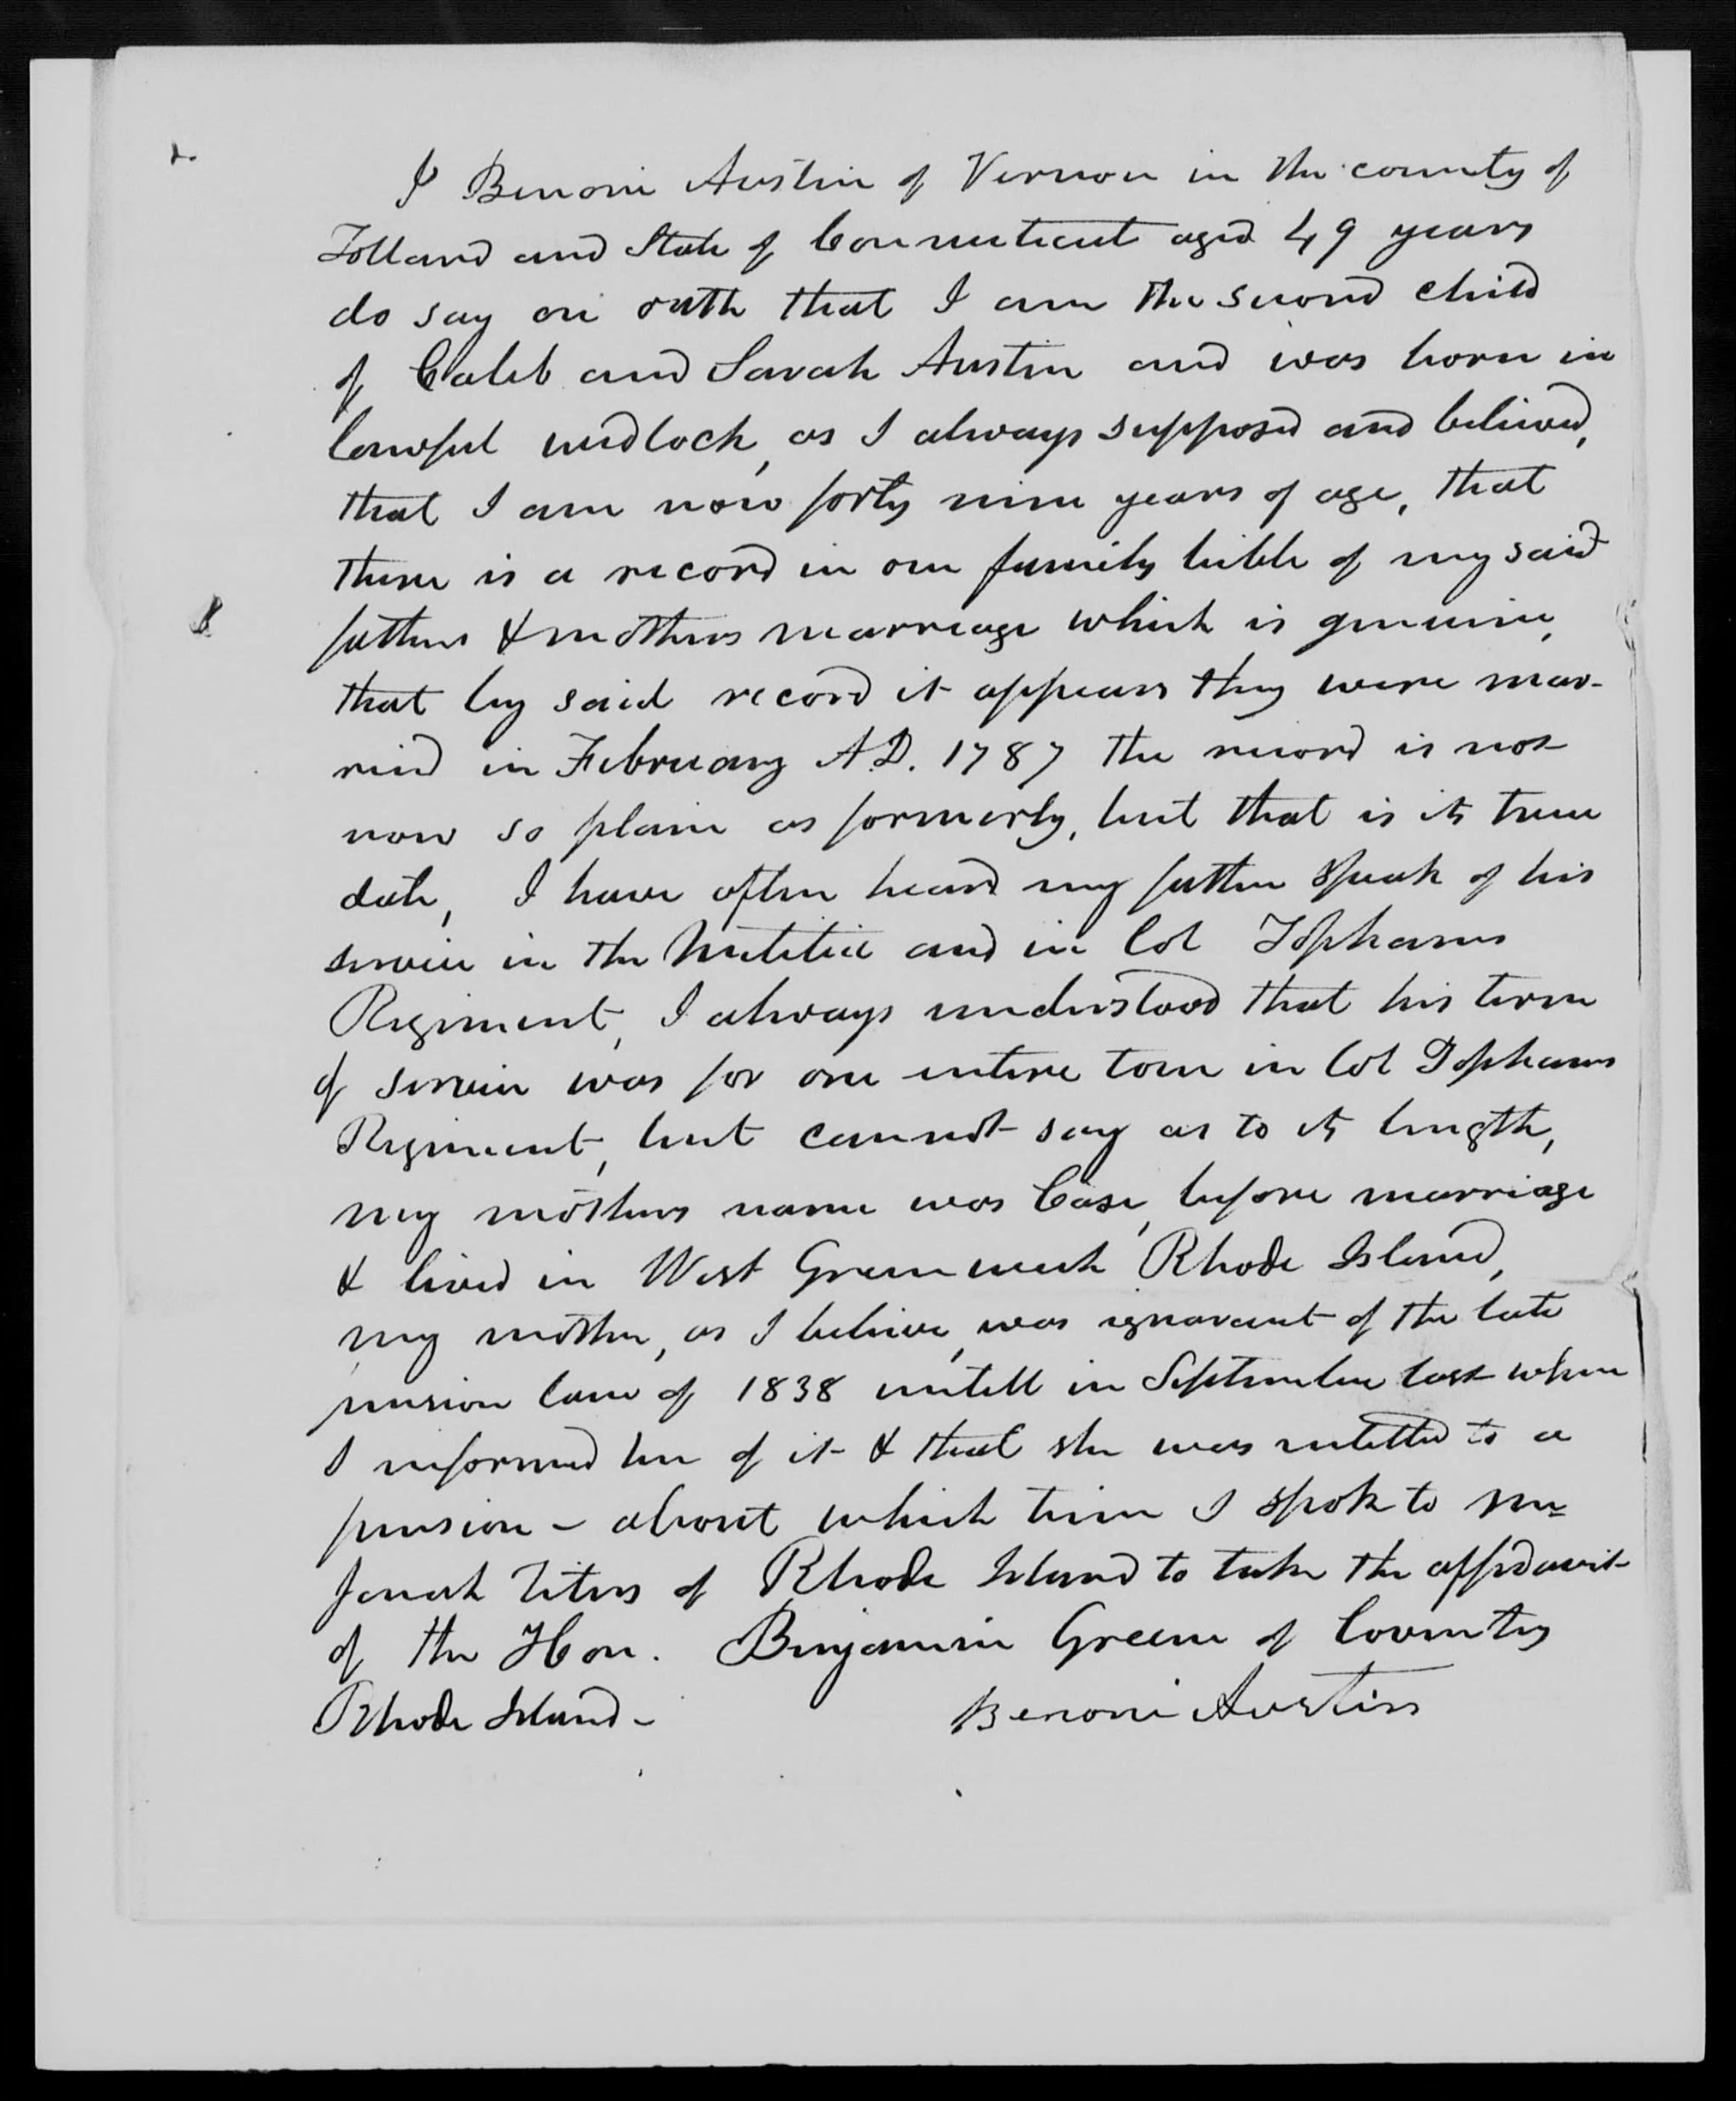I Benoni Austin of Vernon in the County of Tolland and State of Connecticut aged 49 years do say on oath that I am the second child of Caleb and Sarah Austin and was born in lawful wedlock, as I always supposed and believed, that I am now forty nine years of age, that there is a record in our family bible of my said fathers & mothers marriage which is genuine, that by said record it appears they were married in February A. D. 1787  the record is not now so plain as formerly, but that is its true date, I have often heard my father speak of his service in the Militia and in Col Tophams Regiment, I always understood that his tour of service was for one entire tour in Col Tophams Regiment, but cannot say as to its length, my mothers name was Case, before marriage & lived in West Greenwich Rhode Island, my mother, as I believe, was ignorant of the late pension law of 1838 untill in September last when I informed her of it & that she was entitled to a pension-  about which time I spok [spoke] to Mr Jonah Titus of Rhode Island to take the affidavit of the Hon. Benjamin Green of Coventry Rhode Island-
[Signature] Benoni Austin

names: Topham, Benoni Austin, Benjamin Greene, Topham, Benoni Austin, Caleb Austin, Sarah Austin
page: 9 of 18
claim: widow's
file: W. 20640, Caleb Austin, R.I.